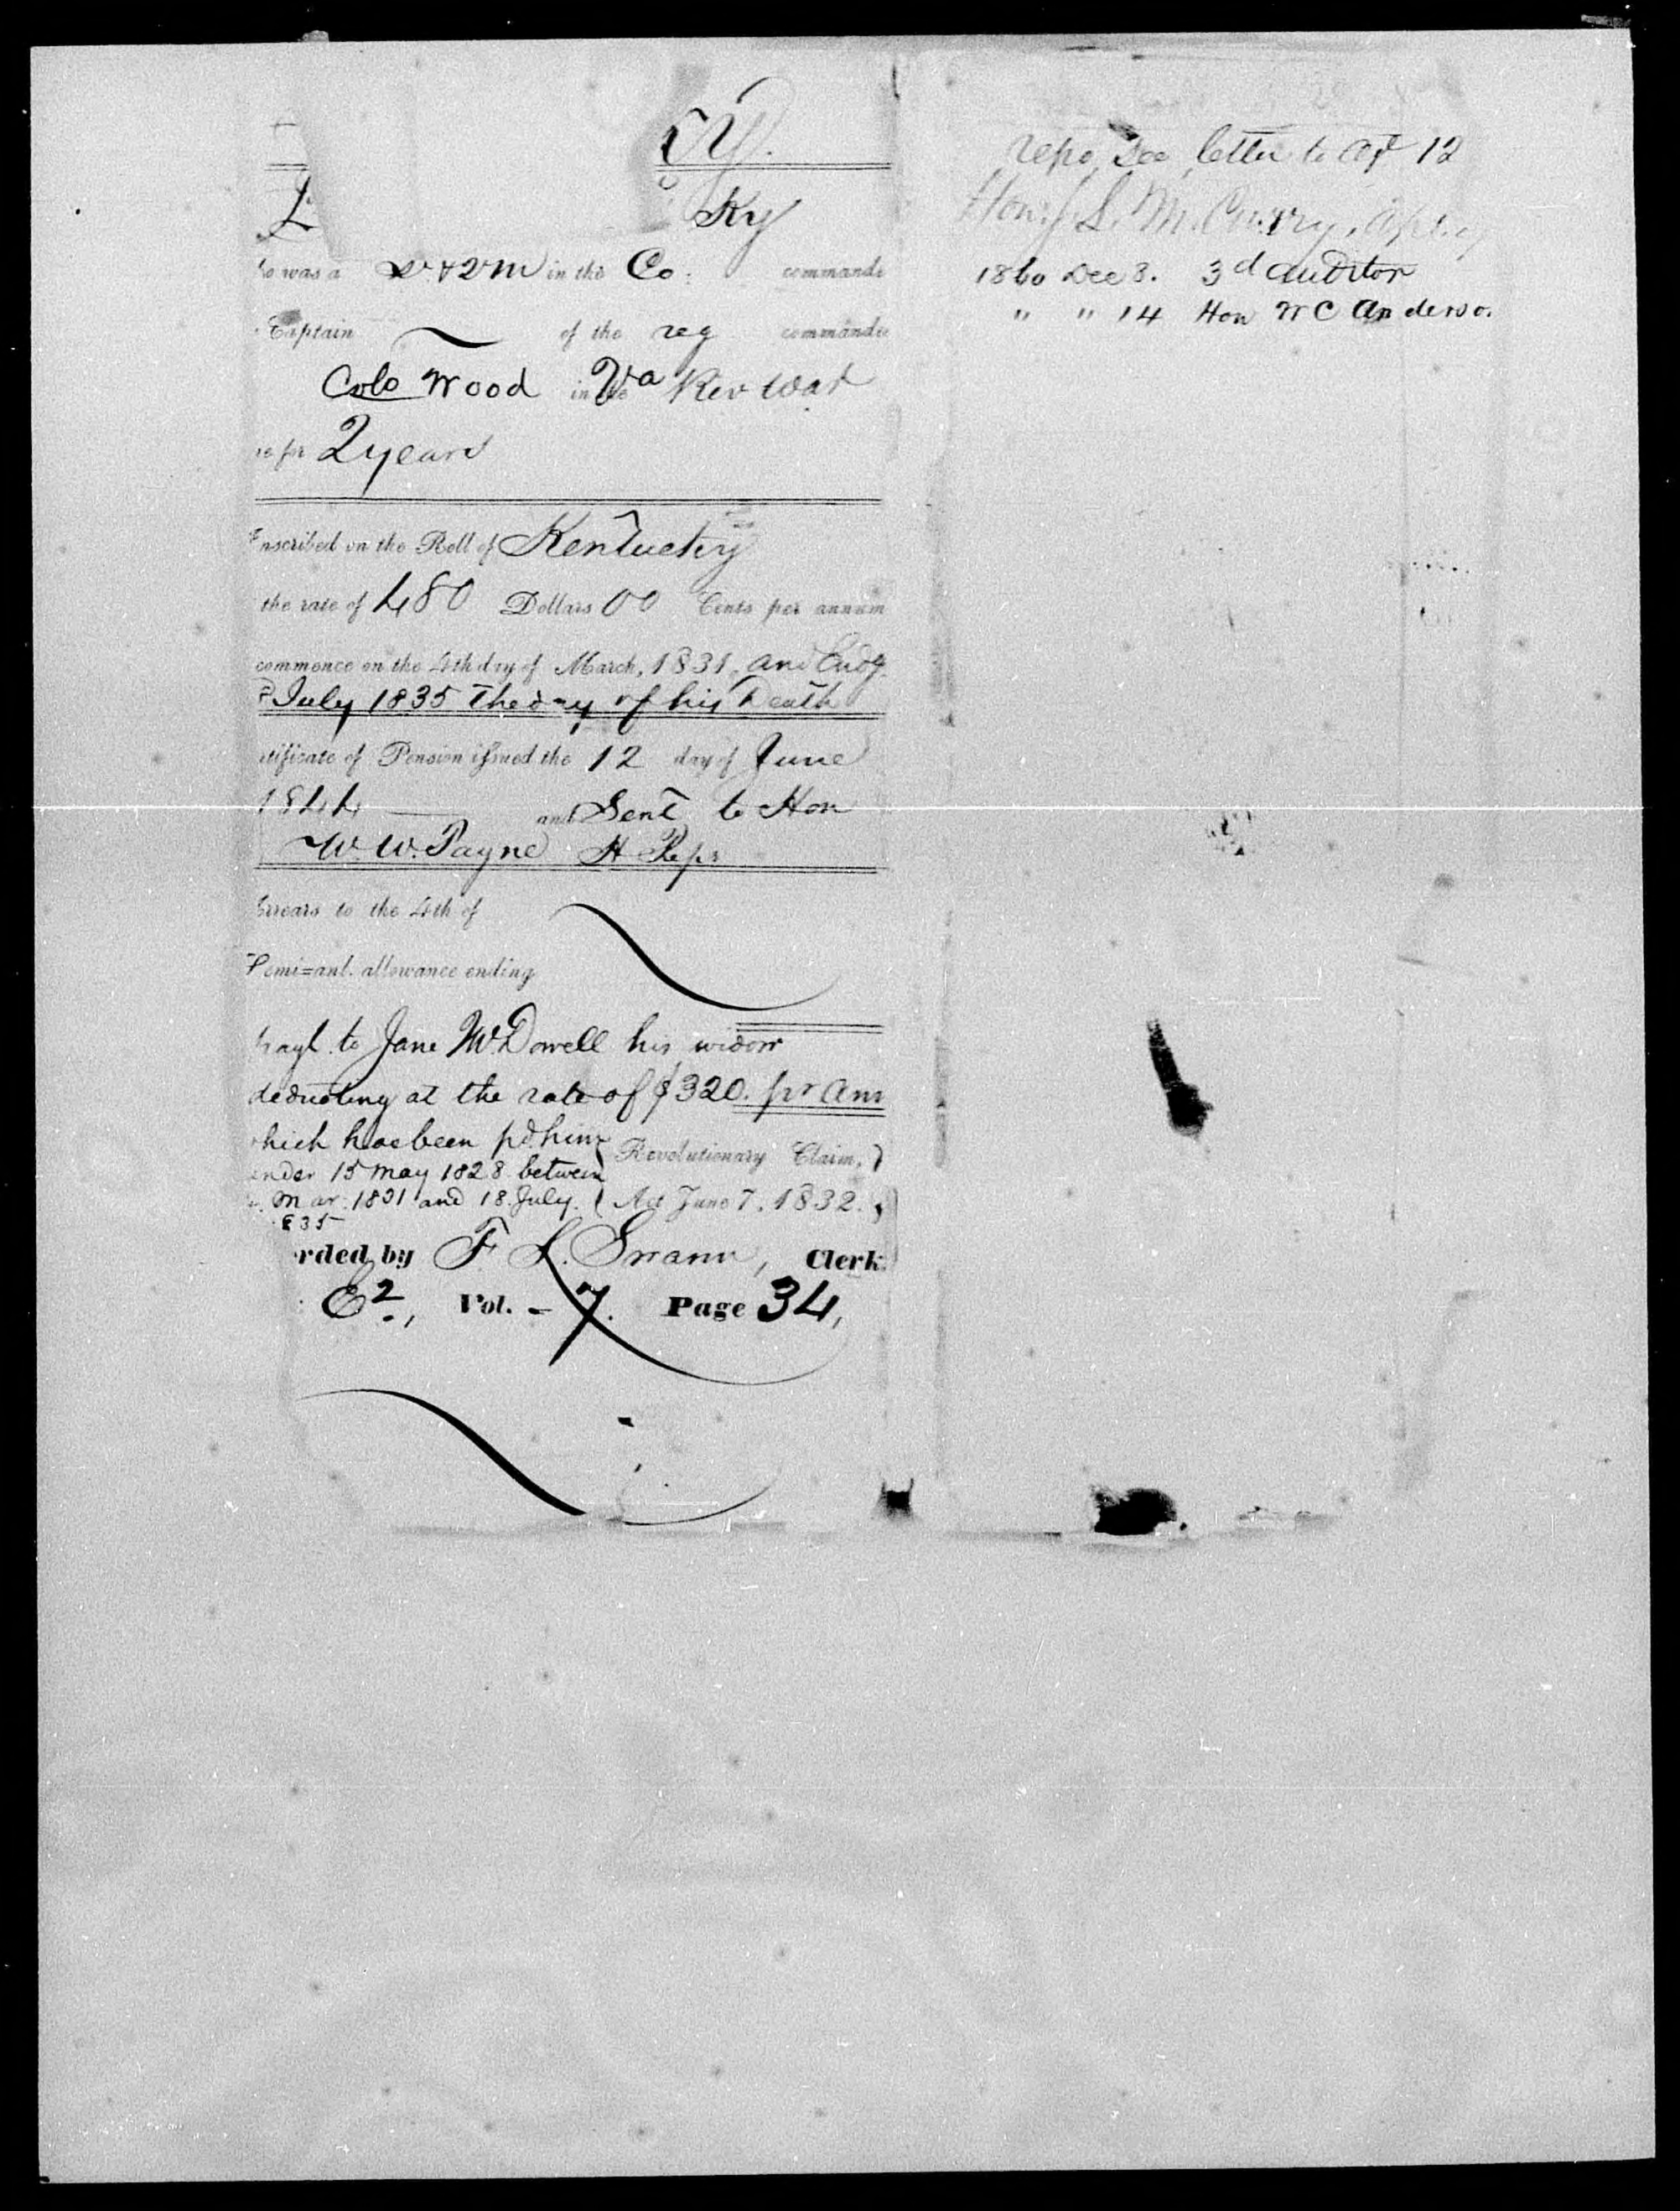Ky
he was a Lt & QM in the Co. commande
Captain ~ of the reg commande
Colo Wood in the Va Rev War for 2 years

Inscribed on the Roll of Kentucky
the rate of 480 Dollars 00 Cents per annum
commence on the 4th day of March, 1831 and Endg
July 1835 the day of his Death

tificate of Pension issued the 12 day of June 1844- and Sent to Hon 
W. W. Payne H Reps

Arrears to the 4th of
Semi-anl. allowance ending

ayl to Jane McDowell his widow
deducting at the rate of $320 pr Ann which has been pad him under 15 May 1828 between Mar 1831 and 18 July 1835
{Revolutionary Claim, Act June 7, 1832.}
rded by F. S. Swann, Clerk
C.2, Vol. - 7. Page 34.

rep see letter to Agt 12 
Hon. J. S. McCurry, Apl 
1860 Dec 3. 3d Auditor
" " 14 Hon W C Anderso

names: S M Curry; W W Payne; F L Swann; [BLANK] Wood; W C Anderso; Jane Mc Dowell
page: 2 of 47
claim: survivor's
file: S. 30578, for John Mc Dowell, Virginia